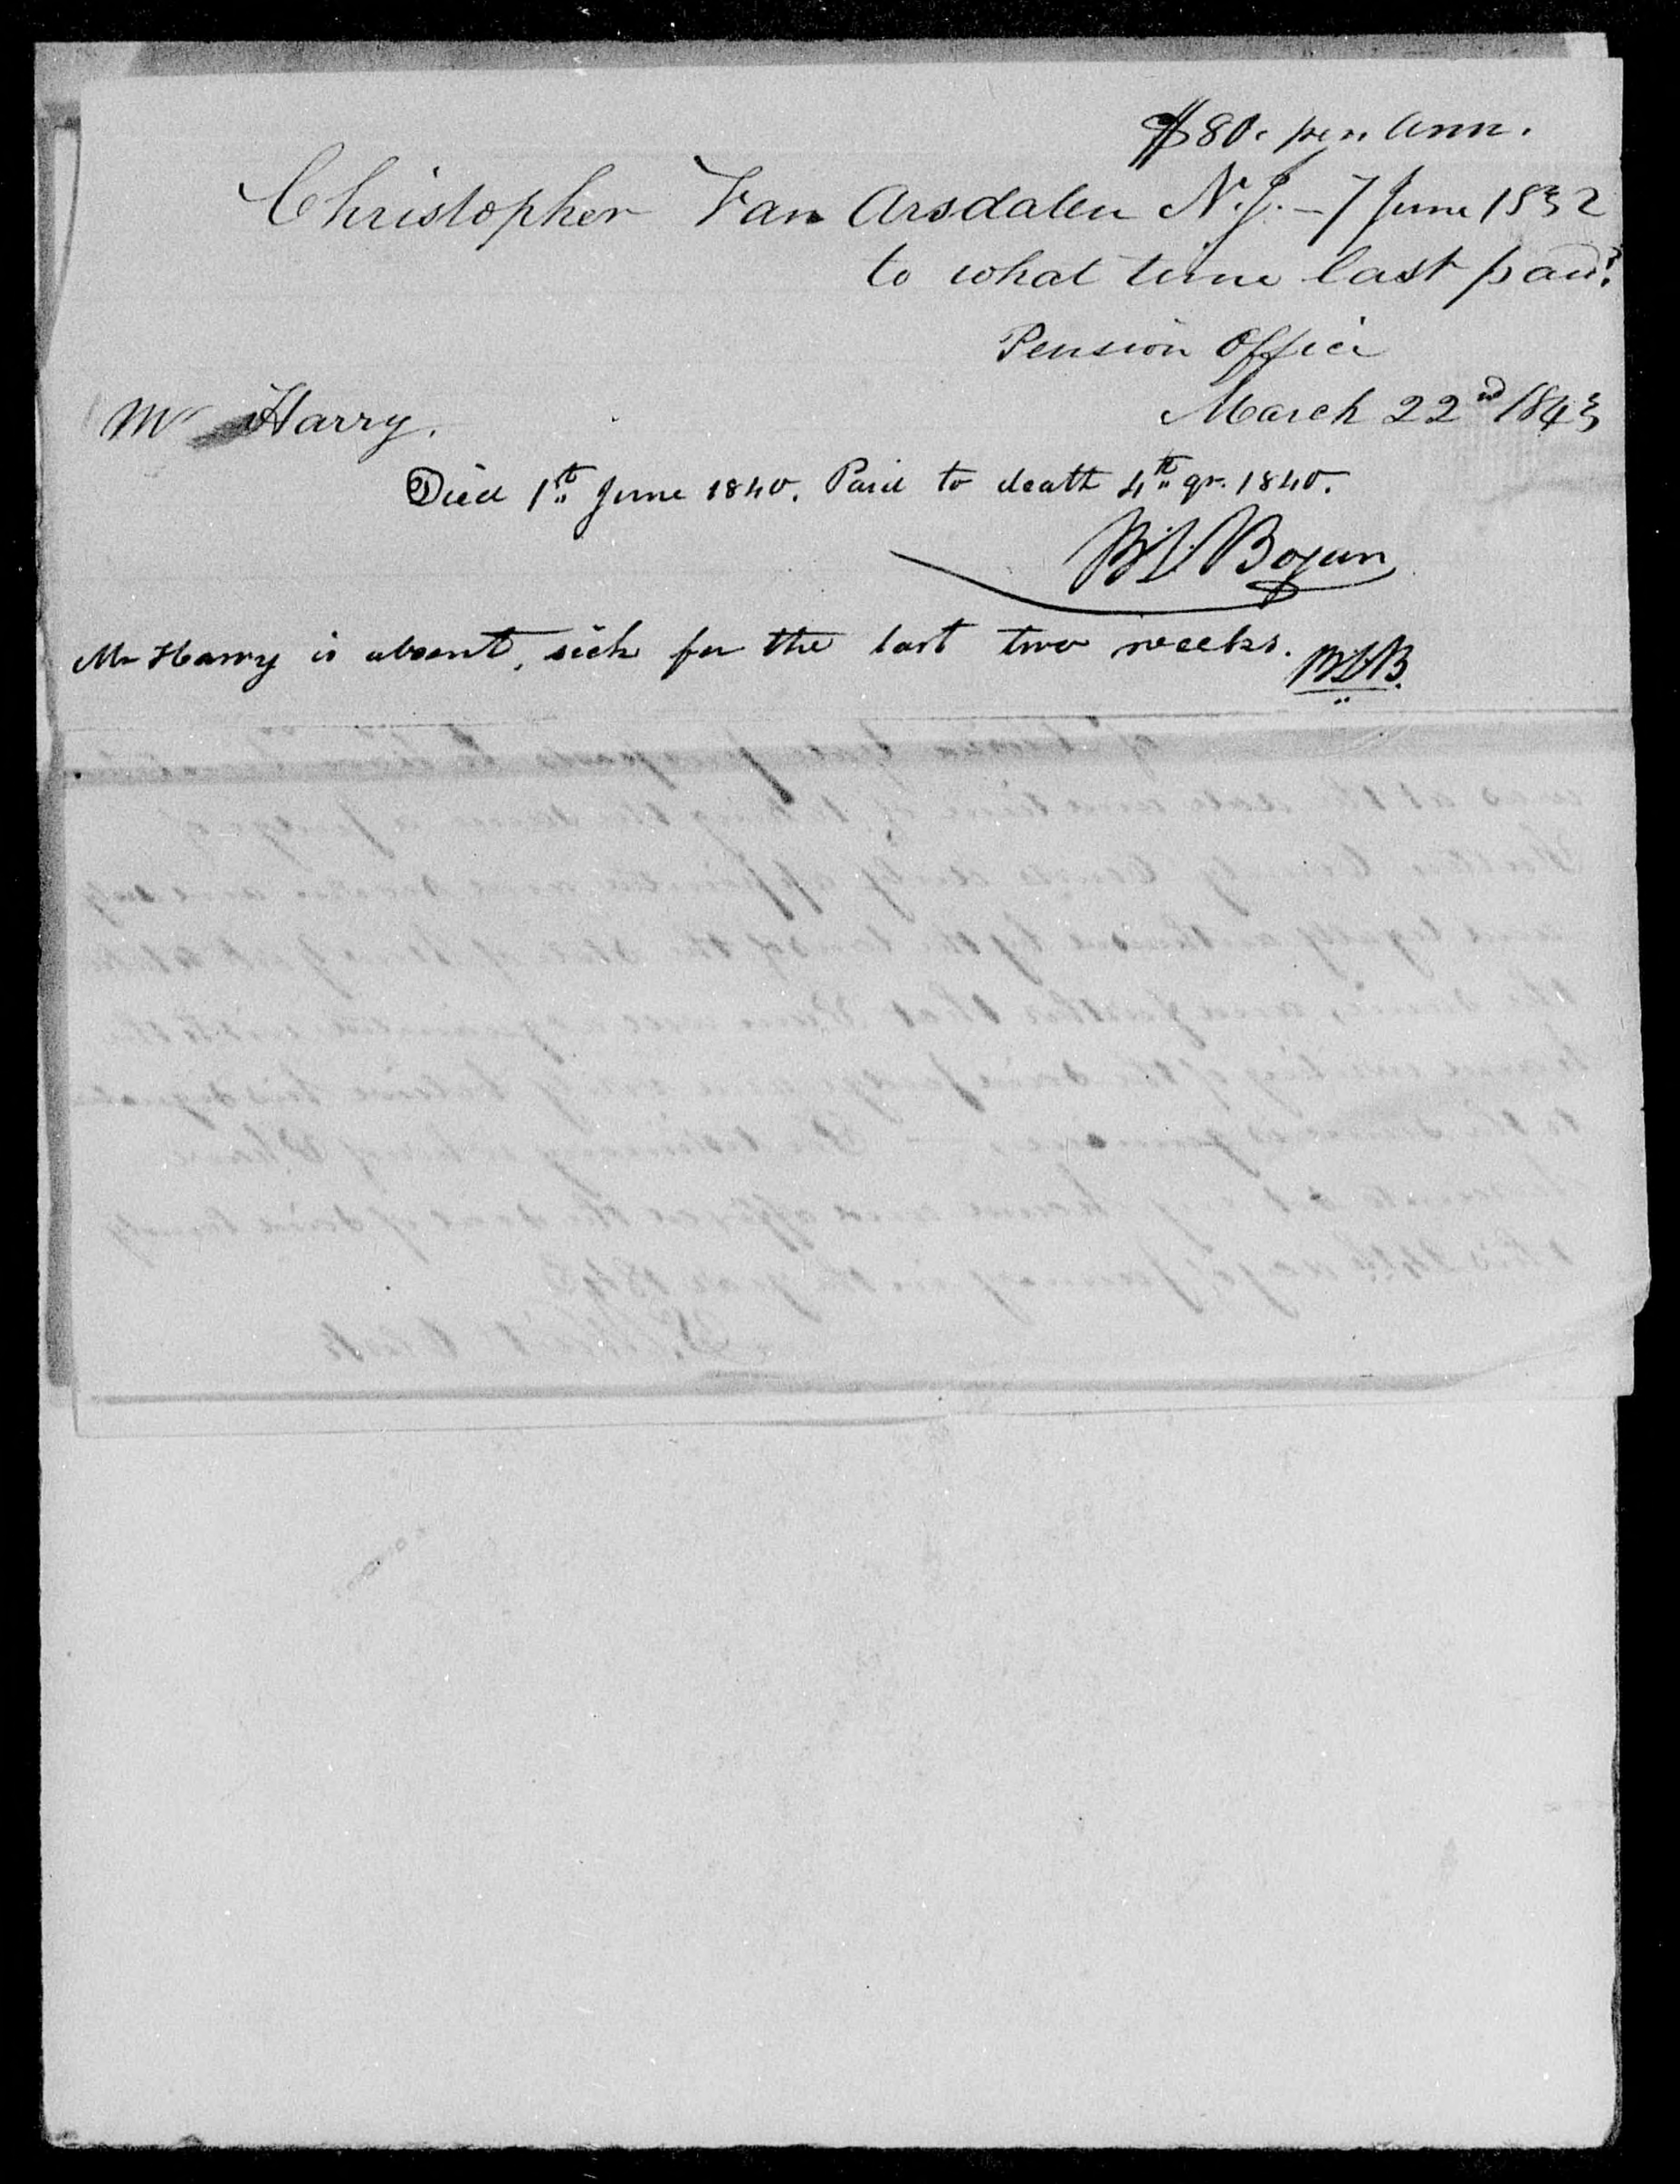$80 per ann.

Mr. Harry
Died 1st June 1840, Paid to death
Christopher Van Arsdalen N.Y. June 1832 to what [time] last paid?
Pension Office March 22d 1843
Mr. Harry
Died 1st June 1840, Paid to death 4th [] 1840
M Boyan

is absent sick for the last two weeks. MB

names: Harry, Harry, B V Boyan, Christopher Van Arsdalen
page: 18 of 55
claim: widow's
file: W. 19503, Samuel Giles, Conti. Mass. New York